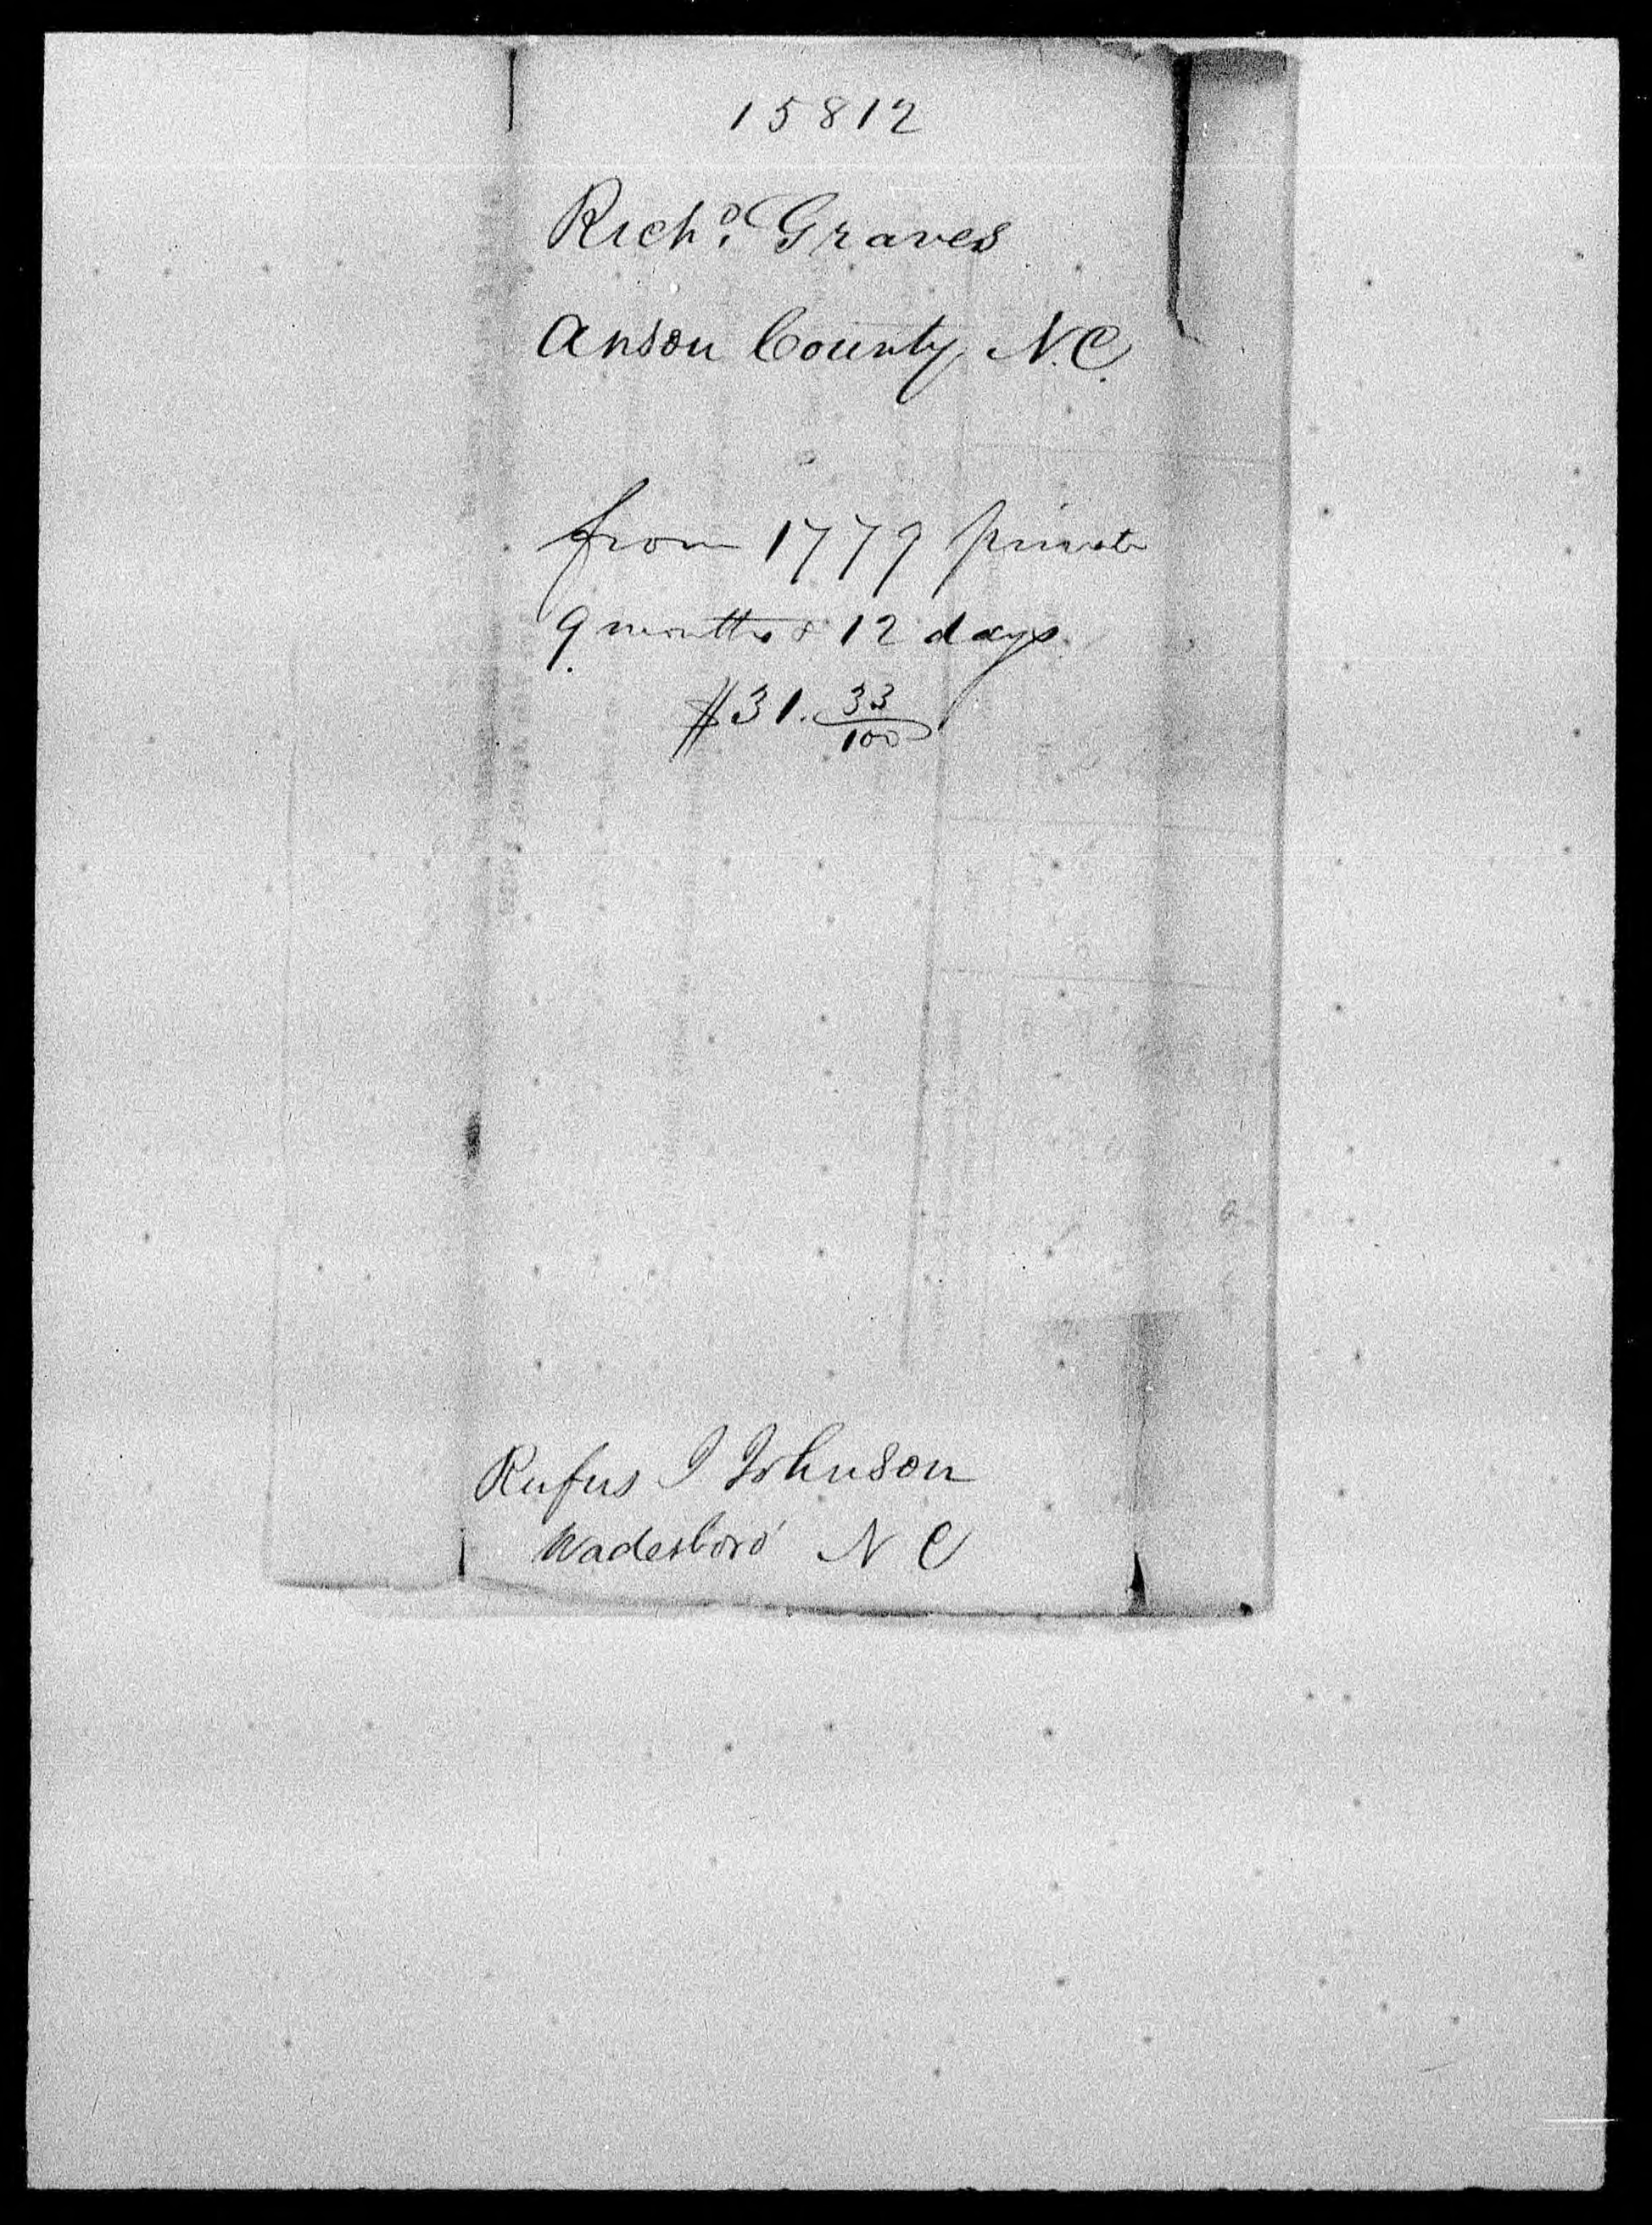15812

Richd Graves
Anson County N.C.

from 1779 private
9 months & 12  days
$31.33/100

Rufus I Johnson
Wadesboro NC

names: Rufus J Johnson, Richd Graves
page: 8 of 15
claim: survivor's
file: S. 8598, Richard Graves, S.C.